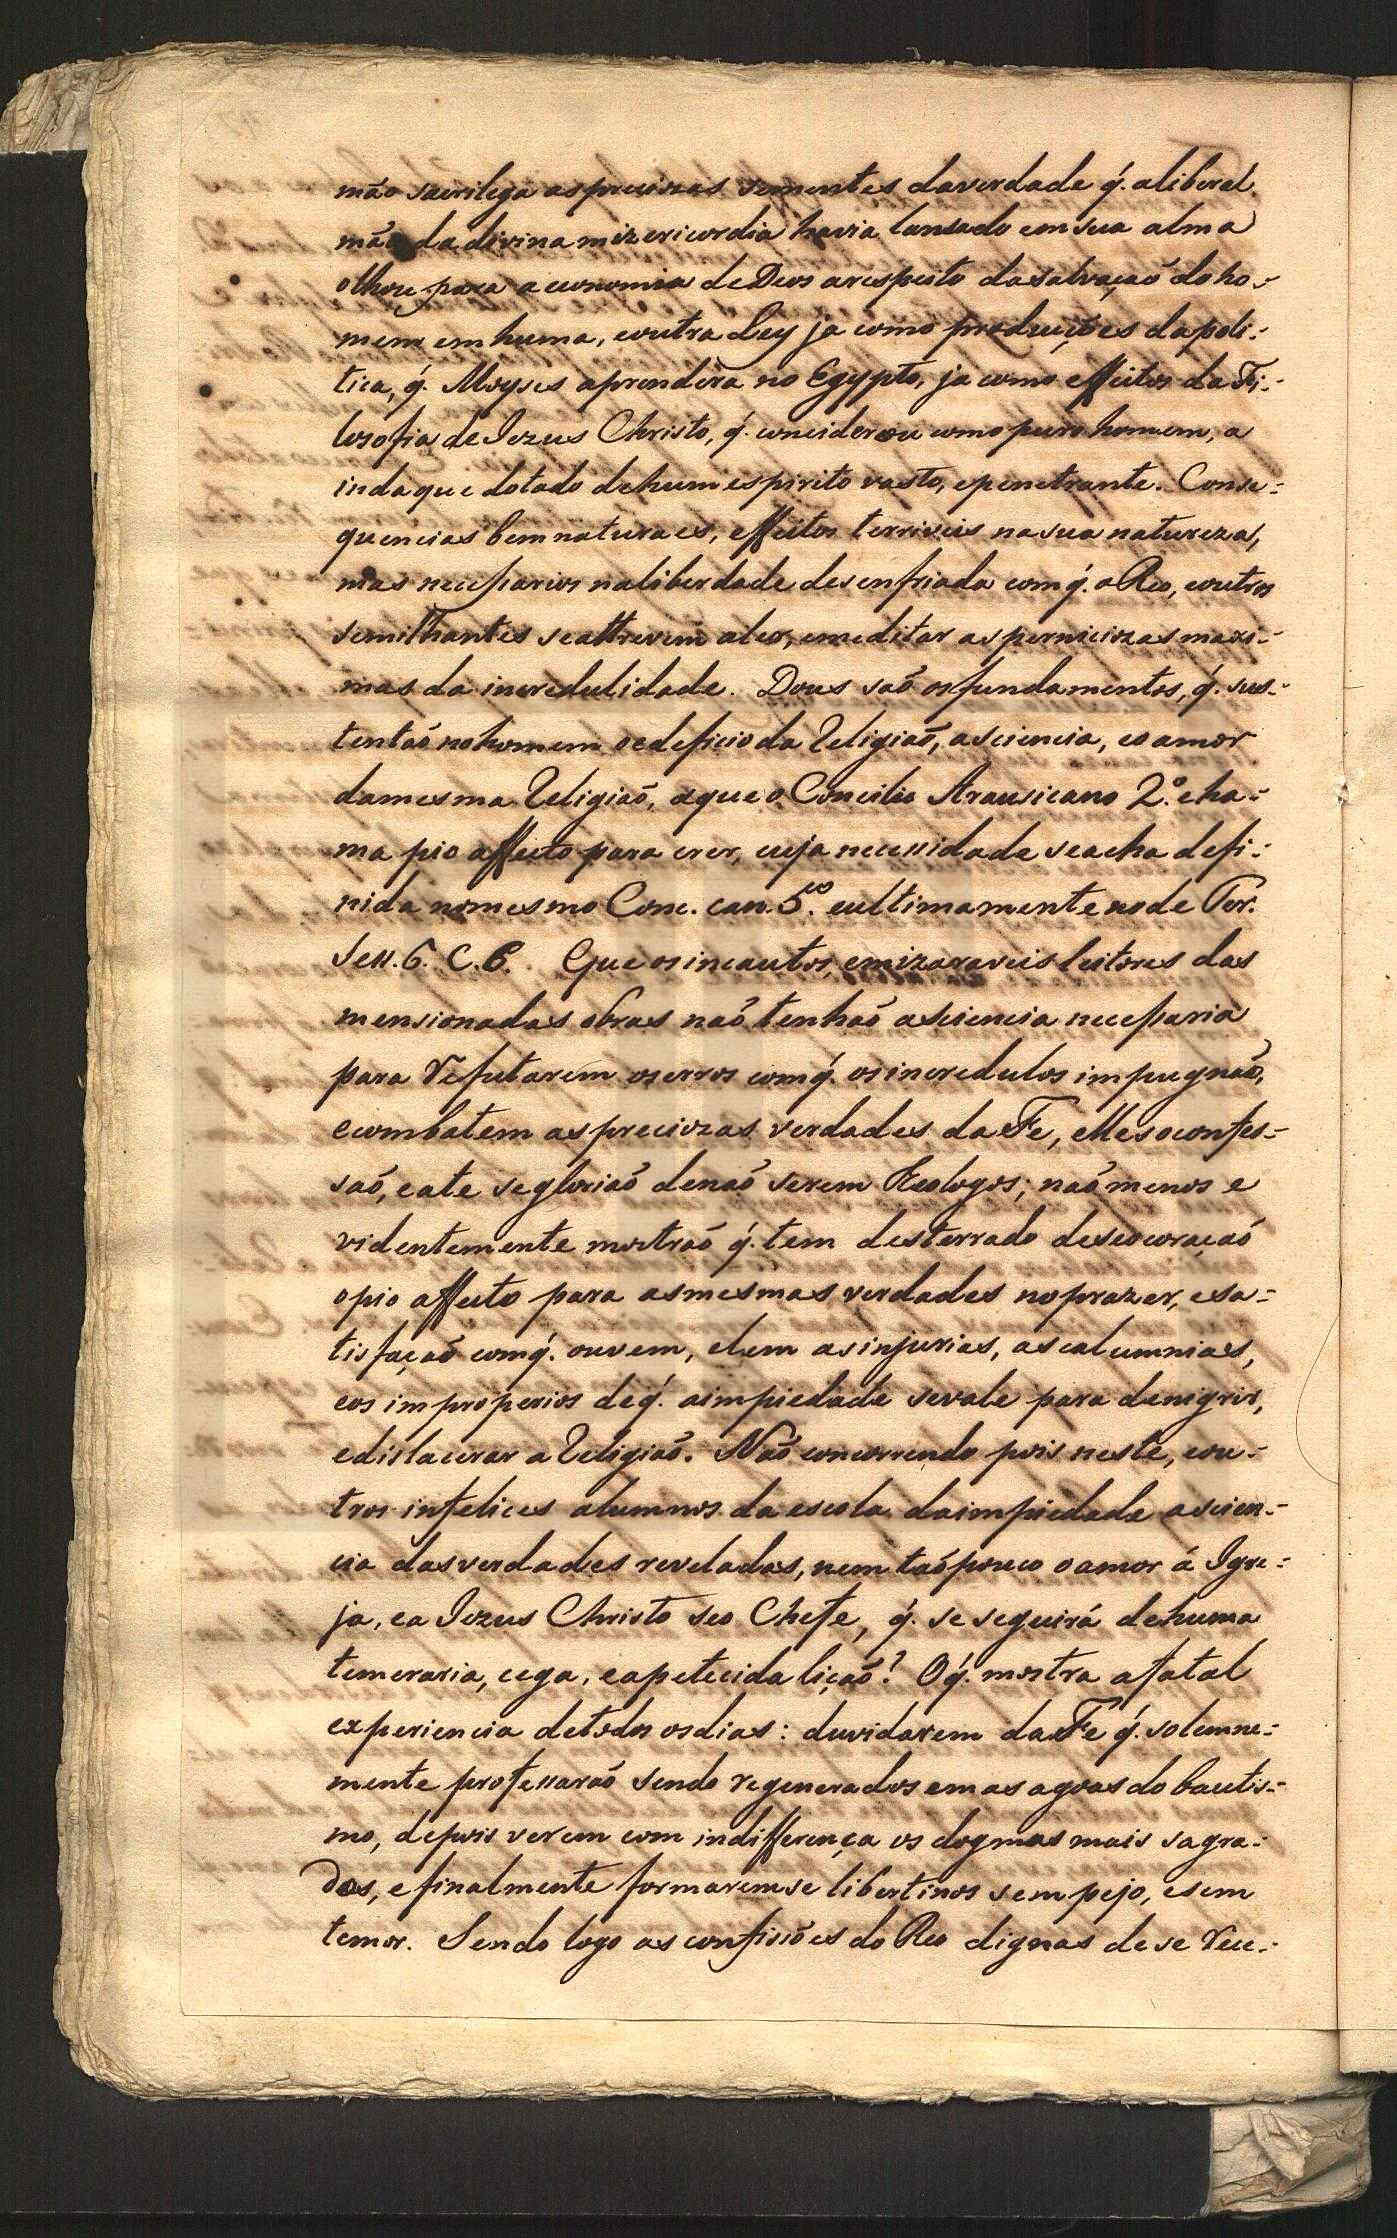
maõ sacrilega as precizas sementes da verdade q̄ a liberal
mã_ da divina mizericordia havia lansado em sua alma
olhou para a economia de Deos a respeito da salvaçaõ do ho
mem em huma, e outra Ley já como producções da poli
lica, q̄ Moyses aprendera no Egypto, ja como effeitos da Fi
lesofia de Iezus Christo, q̄ conciderou como puro homem, a
inda que dotado de hum espirito vasto, e penetrante. Conse
quencias bem naturaes, effeitos terriveis na sua natureza,
mas necessarios na liberdade desenfriada com q̄ o Reo, e outros
semilhantes se attrevem a ler, e meditar as perniciozas maxi
mas da incredulidade. Dous saõ os fundamentos, q̄ sus
tentaõ no homem o edeficio da Religiaõ, a sciencia, e o amor
da mesma Religiaõ, a que o Concilio Arausicano 2.o cha
ma pio affecto para crer, cuja necessidade se acha defi
nida no mesmo Conc. can. 5.o e ultimamente no de Ter.
sess. 6. C.6. Que os incautos, e mizaraveis leitores das
mensionadas obras naõ tenhaõ a sciencia necessaria
para refutarem os erros com q̄ os incredulos impugnaõ,
e combatem as preciozas verdades da Fe, elles o confes
saõ, e ate se gloriaõ de naõ serem Theologos; naõ menos e
videntemente mostraõ q̄ tem desterrado de seo coraçaõ
o pio affecto para as mesmas verdades no prazer, e sa
tisfaçaõ com q̄ ouvem, e hem as injurias, as calumnias,
e os improperios de q̄ a impiedade se vale para denigrir,
e dislacerar a Religiaõ. Naõ concorrendo pois neste, e ou
tros infelices alumnos da escola da impiedade a scien
cia das verdades reveladas, nem taõpouco o amor á Igre
ja, e a Iezus Christo seo Chefe, q̄ se seguirá de huma
temeraria, cega, e apetecida liçaõ? O q̄ mostra a fatal
experiencia de todos os dias: duvidarem da Fé q̄ solemne
mente professaraõ sendo regenerados em as agoas do bautis
mo, depois verem com indifferença os dogmas mais sagra
dos, e finalmente formaremse libertinos sem pejo, e sem
temor. Sendo logo as confissões do Reo dignas de se rece
